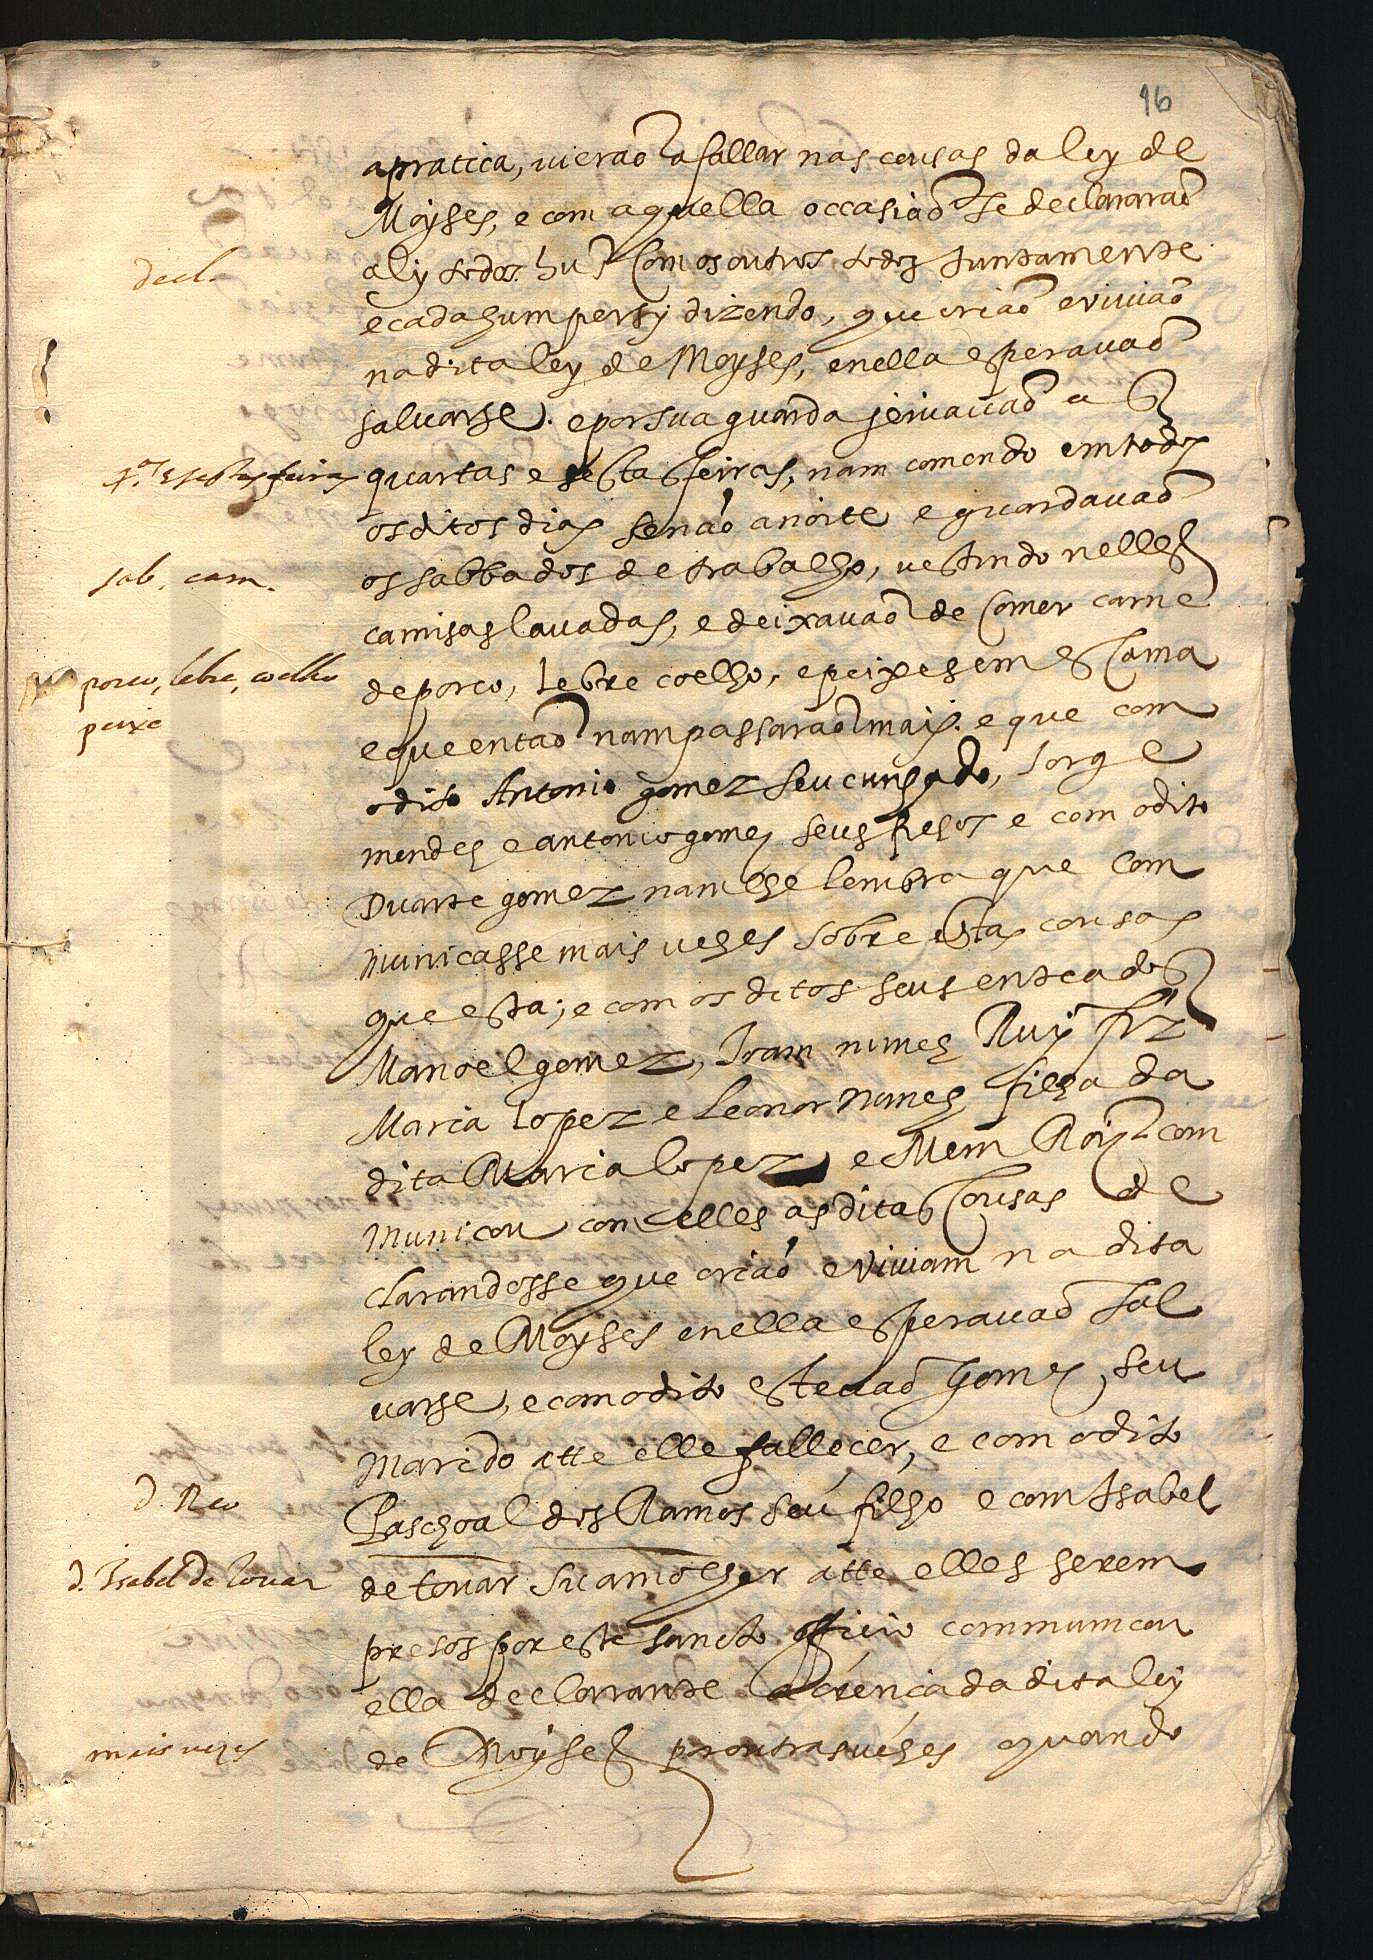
decl.
4.as E sestas feiras
sab. cam.
porco, lebre, coelho
peixe
d. Reo
d. Isabel de Touar
mais uezes
a pratica, uieraõ a fallar nas cousas da ley de
Moyses, e com aquella occasiaõ se declararaõ
aly todos hūs Com os outros todos Iuntamente
e cada hum per sy dizendo, que criaõ e viuiaõ
na dita ley de moyses e nella esperauaõ
saluarse e por sua guarda jeiuauaõ as
quartas e sestas feiras, nam comendo em todos
os ditos dias senaõ a noite e guardauaõ
os sabbados de trabalho, uestindo nelles
camisas lauadas, e deixauaõ de Comer carne
de porco, Lebre coelho, e peixe sem esCama
e que então nam passaraõ mais e que com
o dito Antonio gomez seu cunhado, Iorge
mendes e antonio gomez seus filhos e com o dito
Duarte gomez nam lhe lembra que com
municasse mais uezes sobre estas cousas
que esta; e com os ditos seus enteados
Manoel gomez, Ioam nunez Ruy fr̄z
Maria Lopez e Leonor nunez filha da
dita Maria lopez e Mem Roīz com
municou com elles as ditas Cousas de
clarandosse que criaõ e viuiam na dita
ley de Moyses e nella esperauaõ sal
uarse, e com o dito esteuaõ gomez seu
marido atte elle fallecer, e com o dito
Paschoal dos Ramos seu filho e com Isabel
de touar sua molher atte elles serem
presos por este sancto officio communicou
ella declarante a crença da dita ley
de Moyses por outras uezes quando
